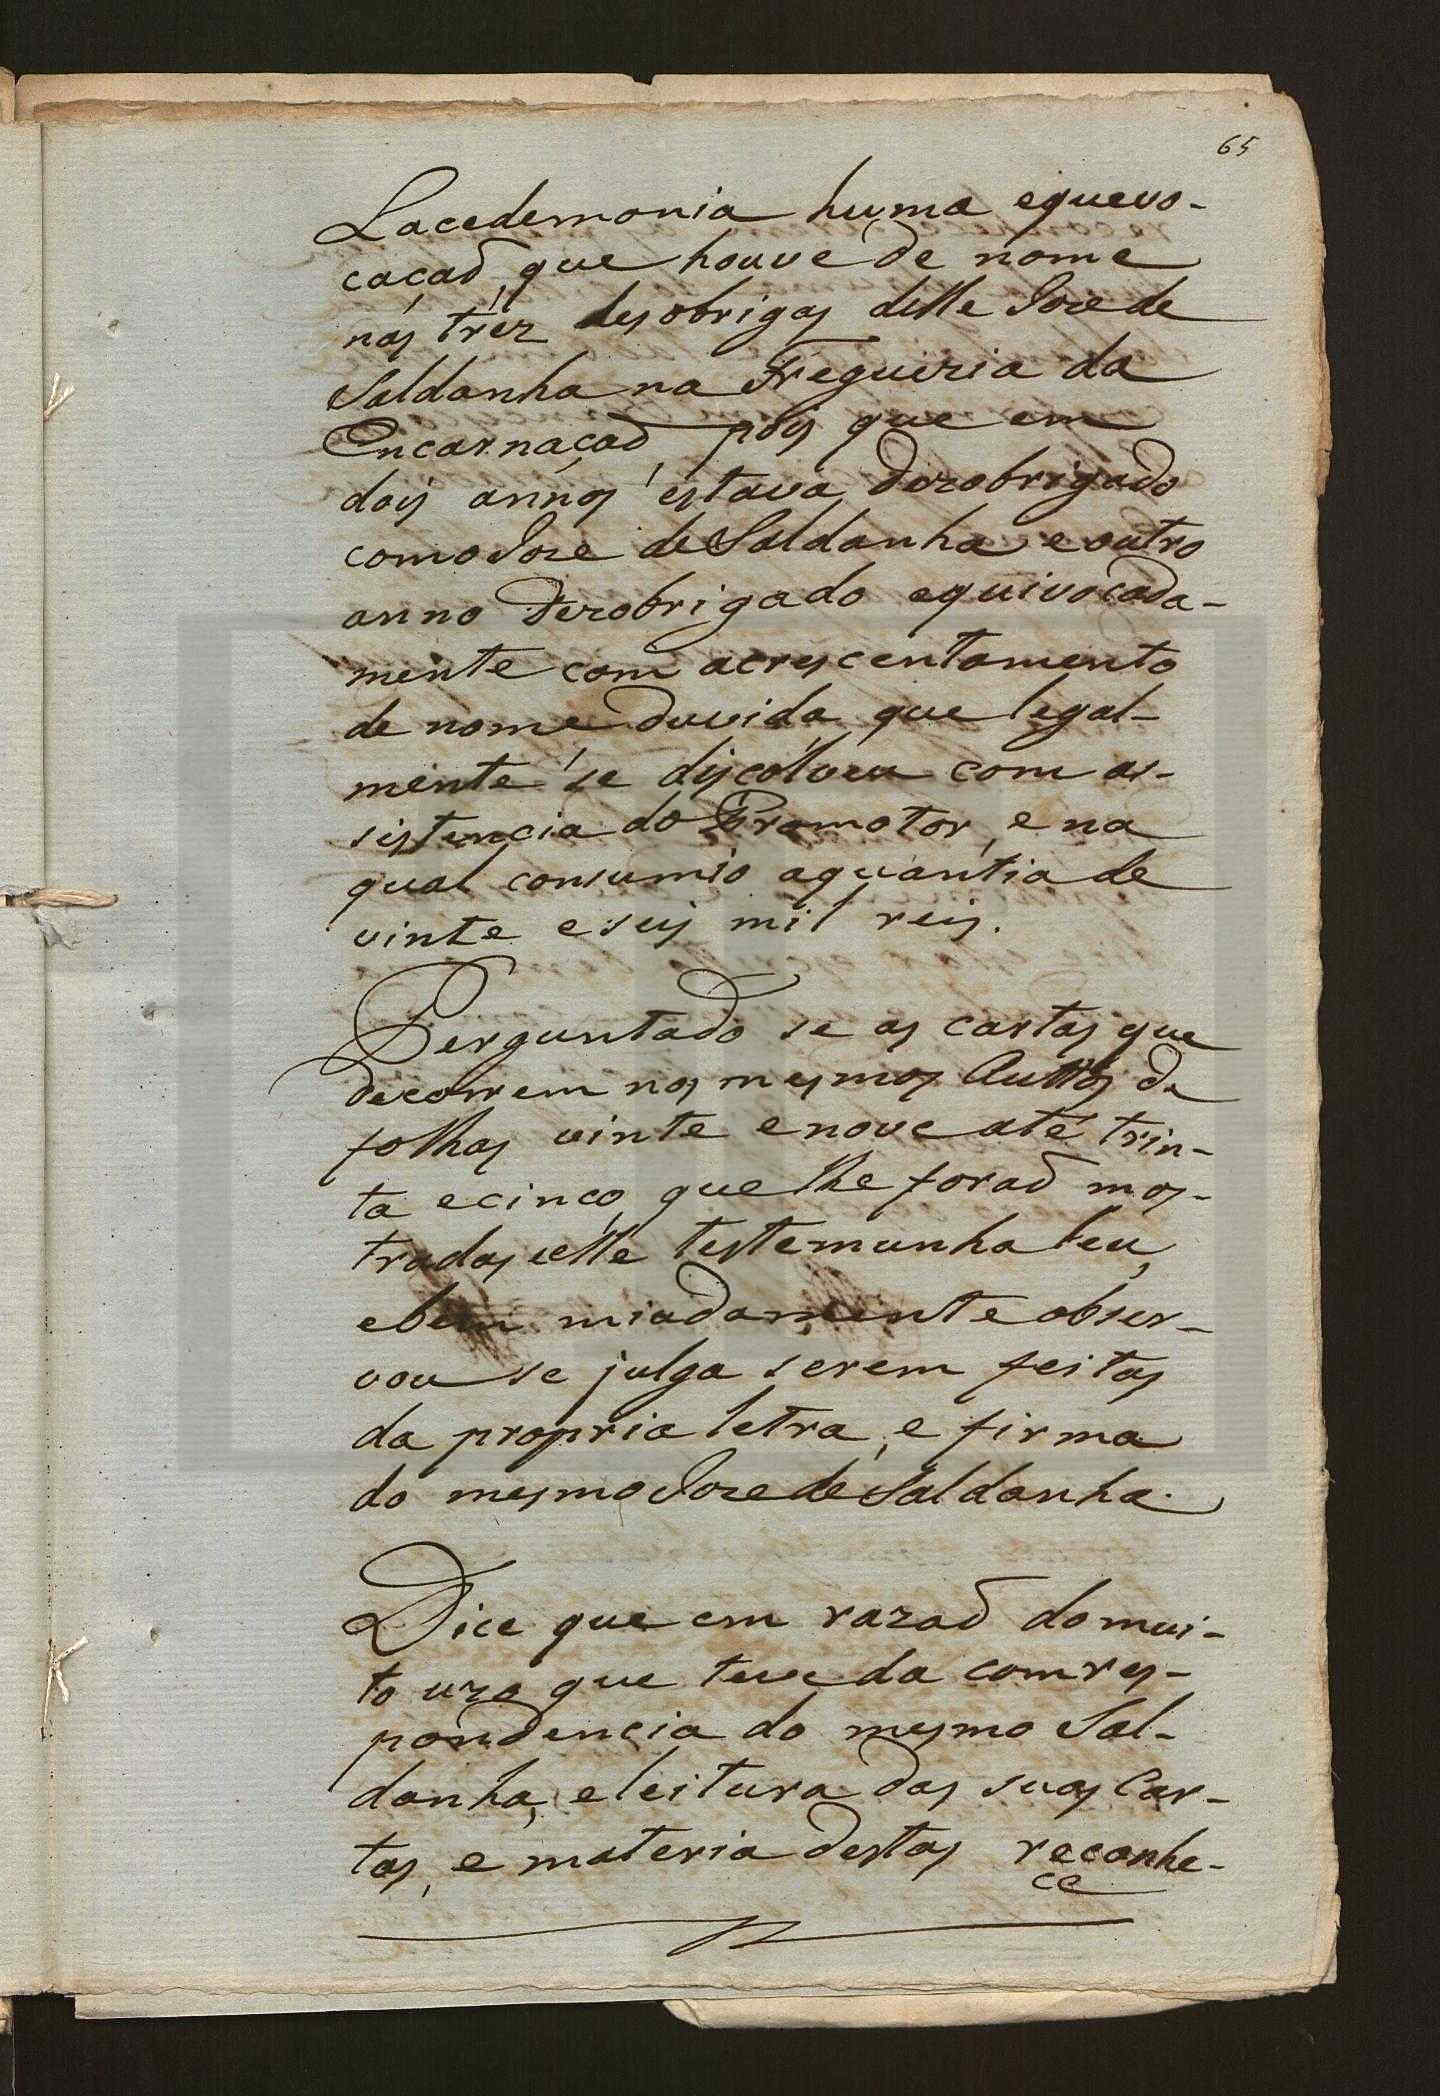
Lacedemonia huma equevo
caçaõ, que houve de nome
nas trez desobrigas delle Ioze de
Saldanha na Freguizia da
Encarnação pois que em
dois annos estava dezobrigado
como Ioze de Saldanha e outro
anno Dezobrigado equivocada
mente com acrescentamento
de nome, duvida, que legal
mente se disçolveu com as
sistencia do Promotor, e na
qual consumio a quantia de
vinte e seis mil reis.
Perguntado se as cartas que
decorrem nos mesmos Auttos da
folhas vinte e nove até trin
ta e cinco, que lhe foraõ mos
tradas e elle testemunha leu
e bem miudamente obser
vou se julga serem feitas
da propria letra, e firma
do mesmo Ioze de Saldanha.
Dice que em razaõ do mui
to uzo que teve da comres
pondencia do mesmo Sal
danha, e leitura das suas car
tas, e materia destas reconhe
